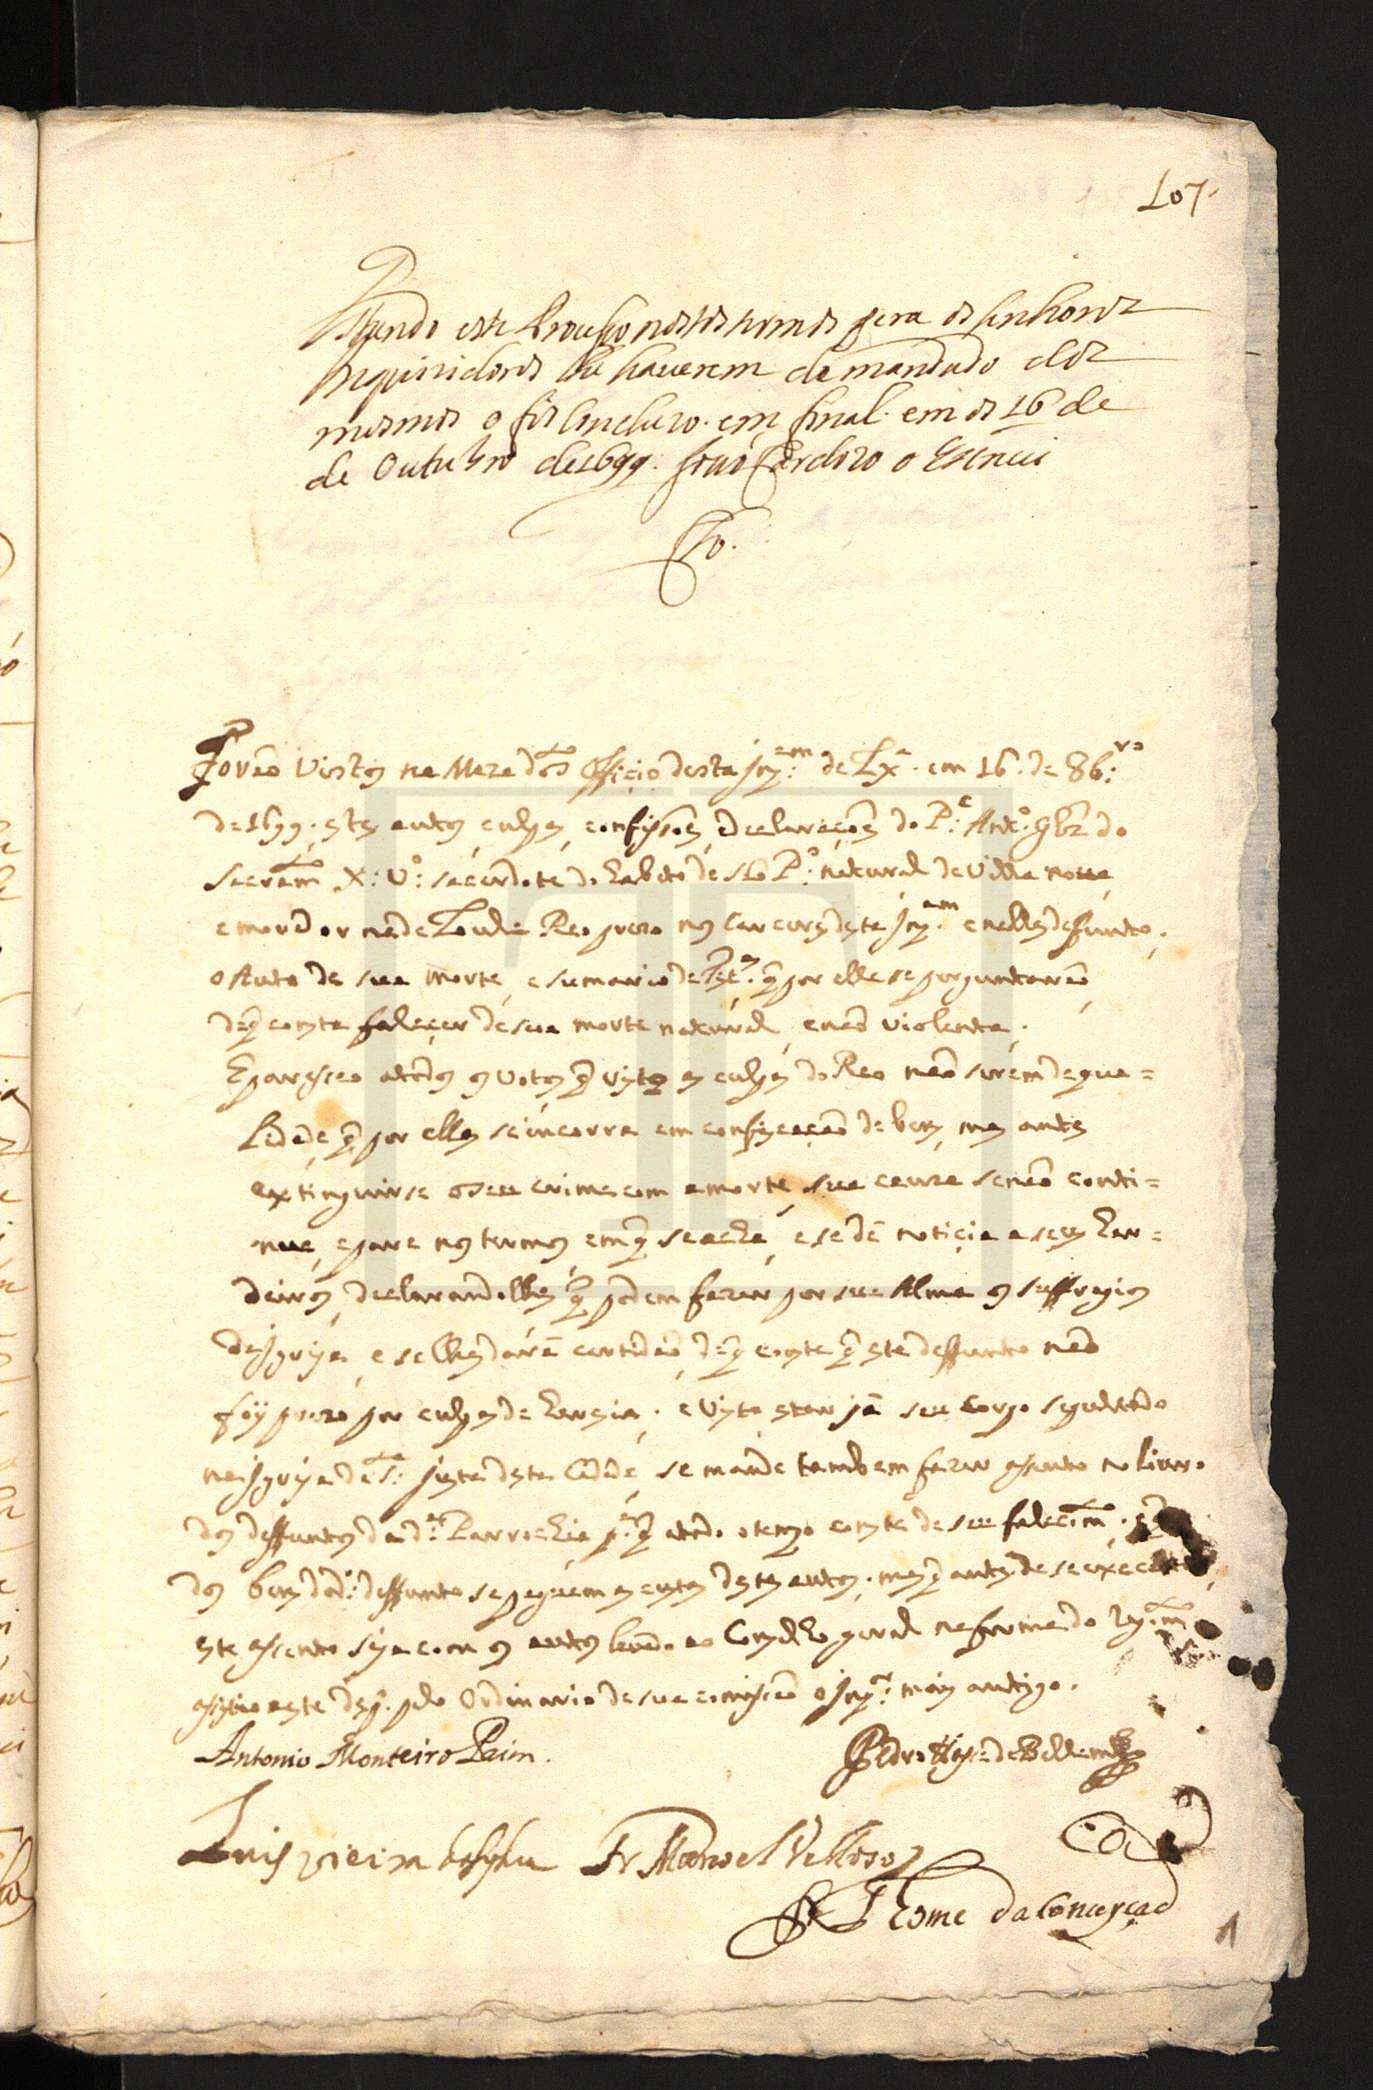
107.
Estando este Processo nestes termos pera os senhorez
Inquizidores lhe hauerem de mandado doz
mesmos o fis concluzo em final em os 16 de
de Outubro de 1699. Joaõ Cardozo o Escreui
Clo.
Forão vistos na Meza do sto officio desta jnq.am de Lx.a em 16 de 8b.ro
de 1699; estes autos, culpas, confissoẽs, Declarações do P.e Ant.o glz̄ do
Sacramto x: v.o sacerdote do habito de são P.o natural de villa noua
e morador na de Loule Reo prezo nos carceres desta jnq.am e nelles defunto,
o Auto de sua morte e sumario de Testas; q̄ por elle se perguntaraõ
d q̄ consta falecer de sua morte natural e naõ violenta.
E paresseo a todos os votos q̄ visto as culpas do Reo não serem de qua
Lidade q̄ por ellas se incorra em confiscação de bens, mas antes
extinguirse o seu crime com a morte sua cauza se não conti
nue, e pare nos termos em q̄ se acha e se dé noticia e seus her
deiros, declarandolhes q̄ podem fazer por sua Alma os suffragios
da Jgreya e se lhes dará certidaõ de q̄ conste q̄ este deffunto não
foy prezo por culpas de heresia; e visto estar já seu corpo sepultado
na Jgreja de s.ta justa desta Cidade se mande tambem fazer assento no liuro
dos deffuntos da d:a Parrochia p.a q̄ a todo o tempo conste de seu falecimto; e q̄
dos bens do d.o deffunto se paguem as custas destes autos; mas q̄ antes de se execut
este assento seja com os autos leuado ao Conselho geral na forma do Regimto
assistio a este despo. pelo ordinario de sua comissão o Jnq.or mais antigo.
Antonio Monteiro Paim
Pedro Hasse de Bellem
Luis vieira da Sylua
Fr Manoel Velloso
fr Thome da conceyçaõ
